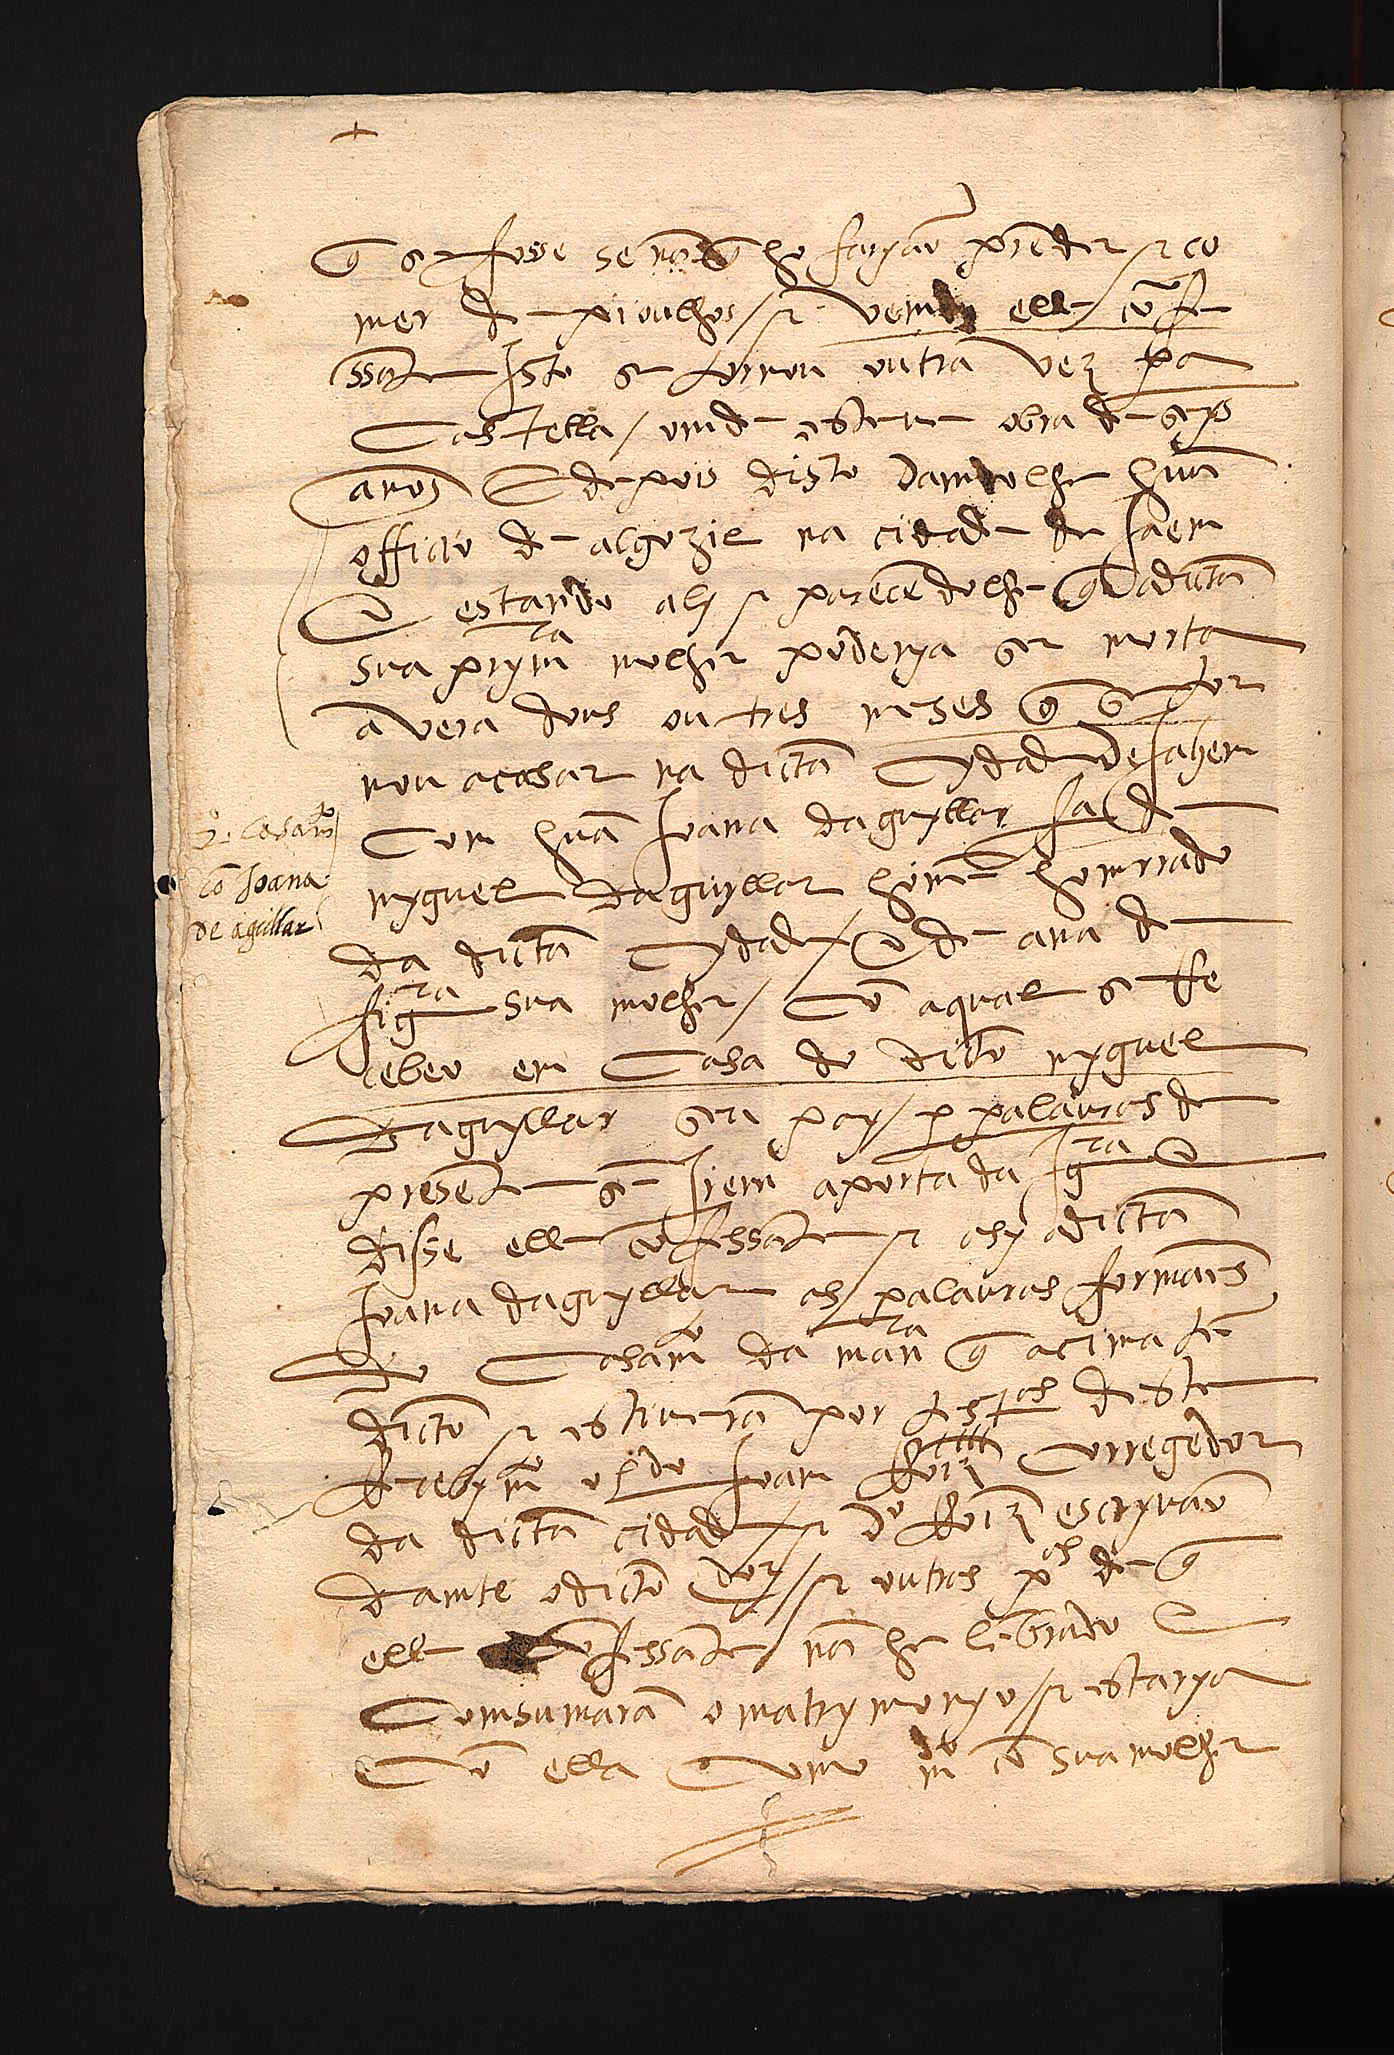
2.o casamto
cō Joana
de aguillar
q̄ se fosse se nā_ q̄ ho faryão prēder e co
mer de pioulhos / e vem_ elle cōfe
ssāte Jsto se tornou outra vez ꝑa
Castella / omde esteue obra de seys
ānos E depois disto damdolhe hūu
officio de algozil na cidade de Jaem
e estando aly e parecēdolhe q̄ a dīcta
sua prymra molher poderya ser morta
avera dous ou tres meses q̄ se tor
nou a casar na dīcta Cydade de Jahem
Com hūa Joana daguyllar fa de
myguel daguyllar hom̄e homrrado
da dīcta Cydade / e de ana de
figra sua molher / Cō a qual se Re
cebeo em Casa do dic̄to myguel
daguyllar seu pay / ꝑ palauras de
presēte sē Jrem a porta da Jgra e
disse elle cōfessāte e asy a dic̄ta
Joana daguyllar as palauras form̄aes
do Casamto da manra q̄ acima tē
dīcto e estiuerā por testas deste
Recebymto o Ldo Joam Roiz Corregedor
da dic̄ta cidade / e do Rōiz escryuão
damte o dic̄to dor / e outras pas de q̄
elle Cōfessāte nā he lēbrado e
Comsumarā o matrymonyo / e estarya
Cō ella Como mdo cō sua molher
